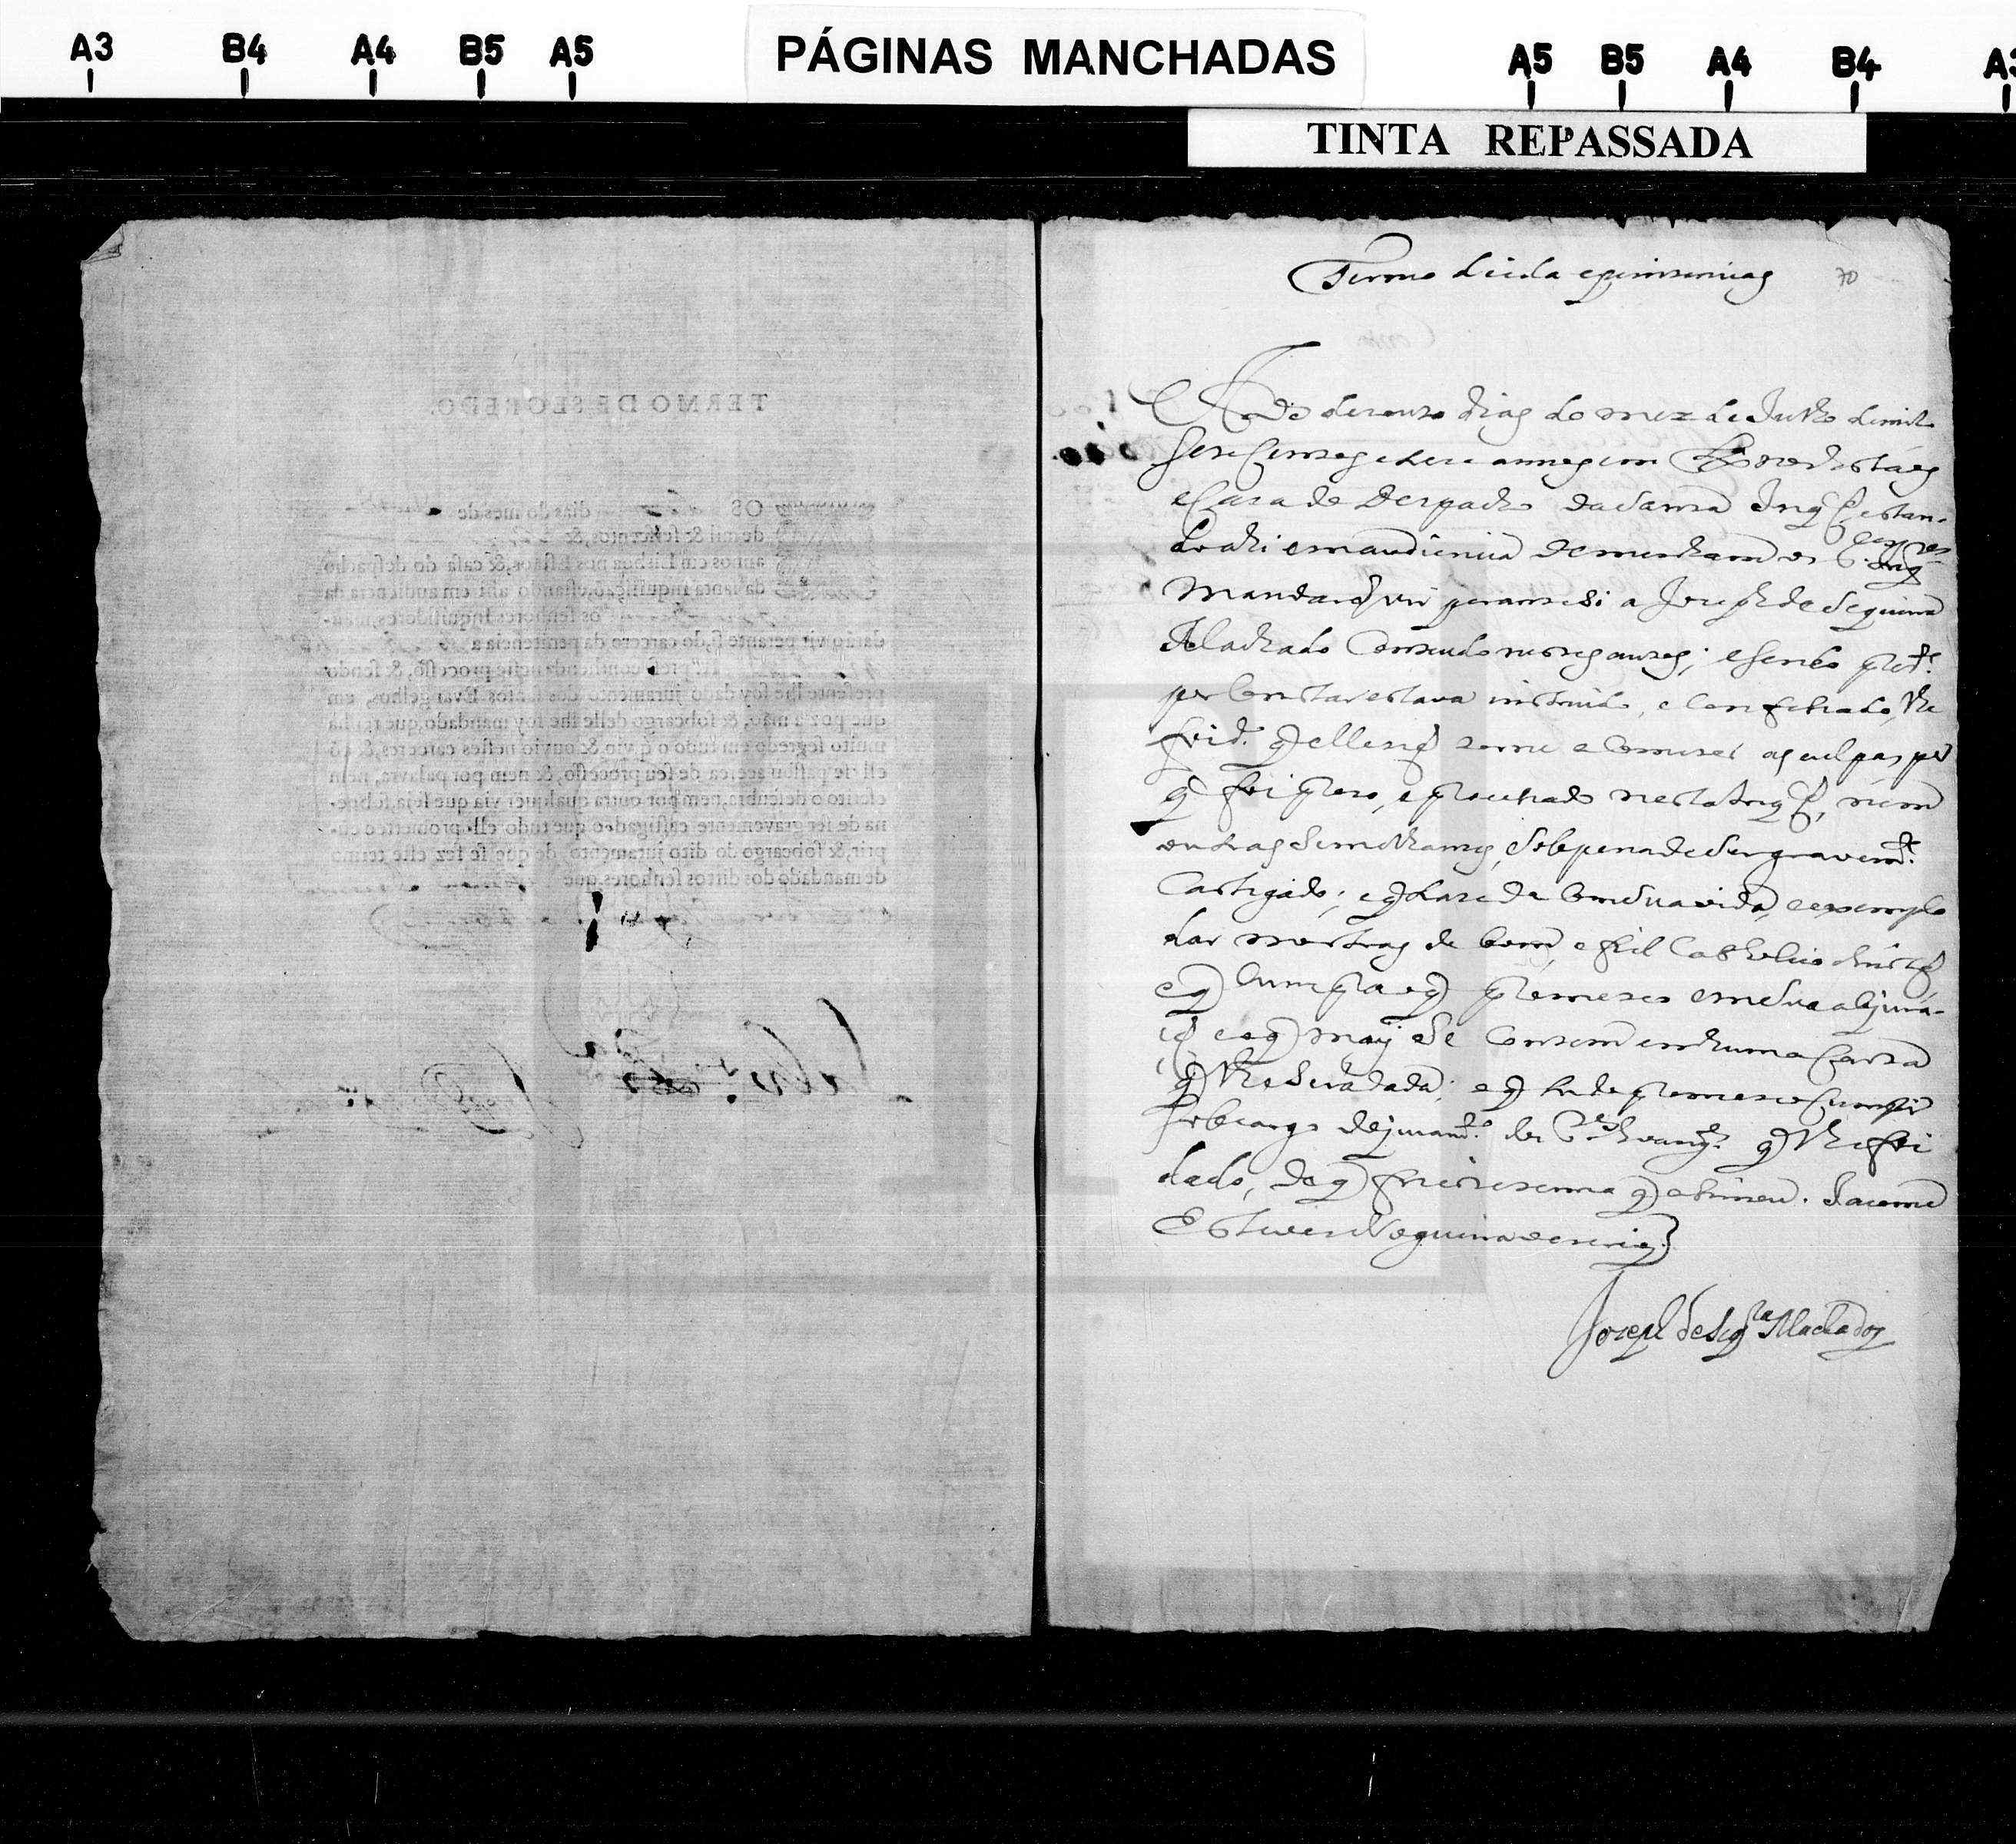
Termo de ida e penitencias
Aos dezouto dias do mez de Iulho de mil
seteCentos e treze annos em Lxa nos estaos
e Caza do Despacho da Santa Inq.çaõ estan
do ahi em audiencia de menham os d.os sr.es Inq.res
mandaraõ vir perante si a Jozeph de Sequeira
Machado Conteudo nestes autos; e sendo pres.te
por Constar estava instruido, e Confessado, lhe
foi d.o q̄ elle naõ torne a Cometer as culpas por
q̄ foi prezo, e processado nesta Inq.çaõ, nem
outras semelhantes, sob pena de ser gravem.te
Castigado; e q̄ trate da bom sua vida, e exemplo
dar mostras de bom, e fiel Catholico christaõ
e q̄ Cumpra o q̄ prometeo em sua abjura
çaõ e o q̄ mais Se contem em huma Carta
q̄ lhe Será dada: e q̄ hinda prometeo Cumprir
sob cargo do juram.to dos Pes Evang.os q̄ lhe foi
dado, do q̄ fis este termo q̄ asinou. Iacome
Esteves Nogueira o escreuj.
Jozeph de Seqra Machado
